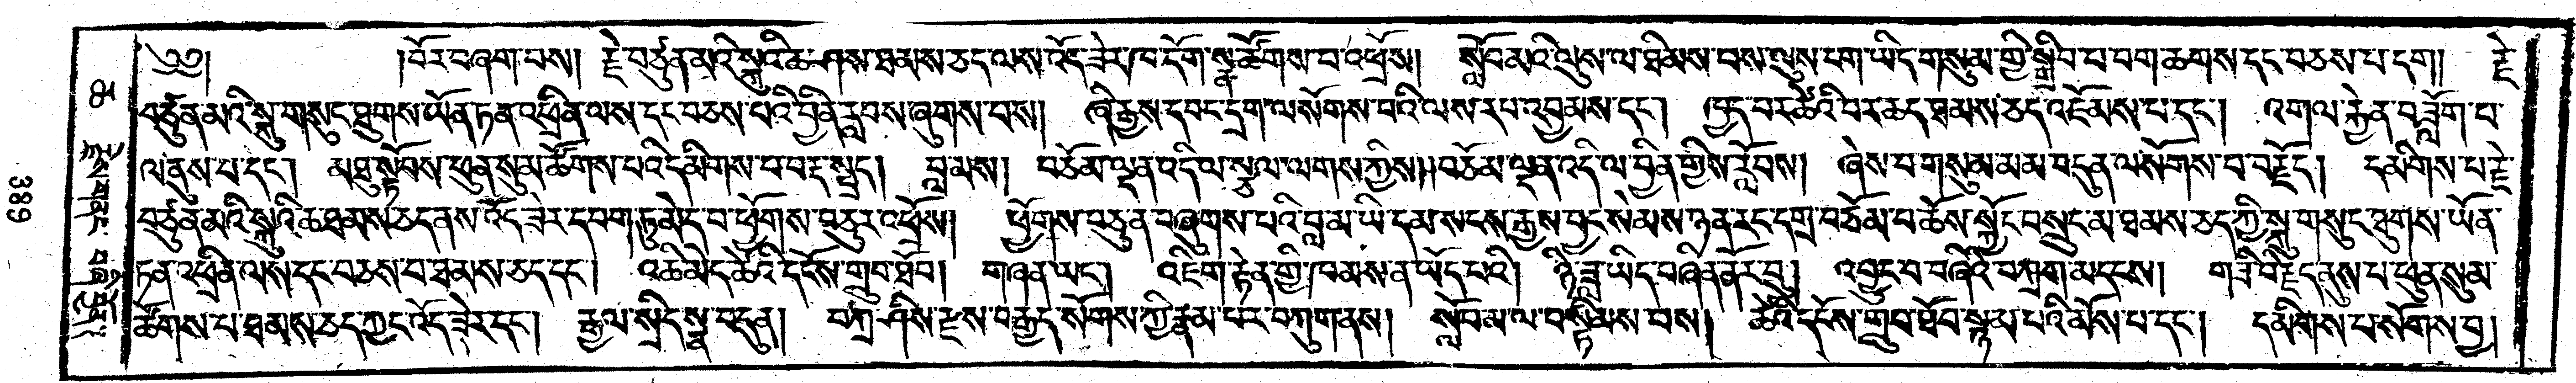༄༅། །བོར་བཞག་པས། རྗེ་བཙུན་མའི་སྐུའི་ཆ་ཤས་ཐམས་ཅད་ལས་འོད་ཟེར་ཁ་དོག་སྣ་ཚོགས་བ་འཕྲོས། སློབ་མའི་ལུས་ལ་ཐིམས་བས་ལུས་ངག་ཡིད་གསུམ་གྱི་སྒྲིབ་པ་བག་ཆགས་དང་བཅས་པ་དག། རྗེ་
བཙུན་མའི་སྐུ་གསུང་ཐུགས་ཡོན་ཏན་འཕྲིན་ལས་དང་བཅས་པའི་བྱིན་རླབས་ཞུགས་པས། ཞི་རྒྱས་དབང་དྲག་ལ་སོགས་པའི་ལས་རབ་འབྱམས་དང་། ཁྱད་པར་ཚེའི་བར་ཆད་ཐམས་ཅད་འཇོམས་པ་དང་། འགལ་རྐྱེན་བཟློག་པ་
ལ་ནུས་པ་དང་། མཐུ་སྟོབས་ཕུན་སུམ་ཚོགས་པའི་དམིགས་པ་བརྡ་སྤྲད། བླ་མས། བཅོམ་ལྡན་འདི་ལ་སྩལ་ལགས་ཀྱིས། །བཅོམ་ལྡན་འདི་ལ་བྱིན་གྱིས་རློབས། ཞེས་པ་གསུམ་མམ་བདུན་ལ་སོགས་བ་བརྗོད། དམིགས་པ་རྗེ་
བཙུན་མའི་སྐུའི་ཆ་ཐམས་ཅད་ནས་འོད་ཟེར་དཔག་ཏུ་མེད་པ་ཕྱོགས་བཅུར་འཕྲོས། ཕྱོགས་བཅུ་ན་བཞུགས་པའི་བླ་མ་ཡི་དམ་སངས་རྒྱས་བྱང་སེམས་ཉན་རང་དགྲ་བཅོམ་པ་ཆོས་སྐྱོང་བསྲུང་མ་ཐམས་ཅད་ཀྱི་སྐུ་གསུང་ཐུགས་ཡོན་
ཏན་འཕྲིན་ལས་དང་བཅས་པ་ཐམས་ཅད་དང་། འཆི་མེད་ཚེའི་དངོས་གྲུབ་ཐོབ། གཞན་ཡང་། འཇིག་རྟེན་གྱི་ཁམས་ན་ཡོད་པའི། ཉི་ཟླ་ཡིད་བཞིན་ནོར་བུ། འབྱུང་བ་བཞིའི་བཀྲག་མདངས། གཟི་བརྗིད་ནུས་པ་ཕུན་སུམ་
ཚོགས་པ་ཐམས་ཅད་ཀྱང་འོད་ཟེར་དང་། རྒྱལ་སྲིད་སྣ་བདུན། བཀྲ་ཤིས་རྫས་བརྒྱད་སོགས་ཀྱི་རྣམ་པར་བཀུག་ནས། སློབ་མ་ལ་བསྟིམས་བས། ཚེའི་དངོས་གྲུབ་ཐོབ་སྙམ་པའི་མོས་པ་དང་། དམིགས་པ་སོགས་བྱ།